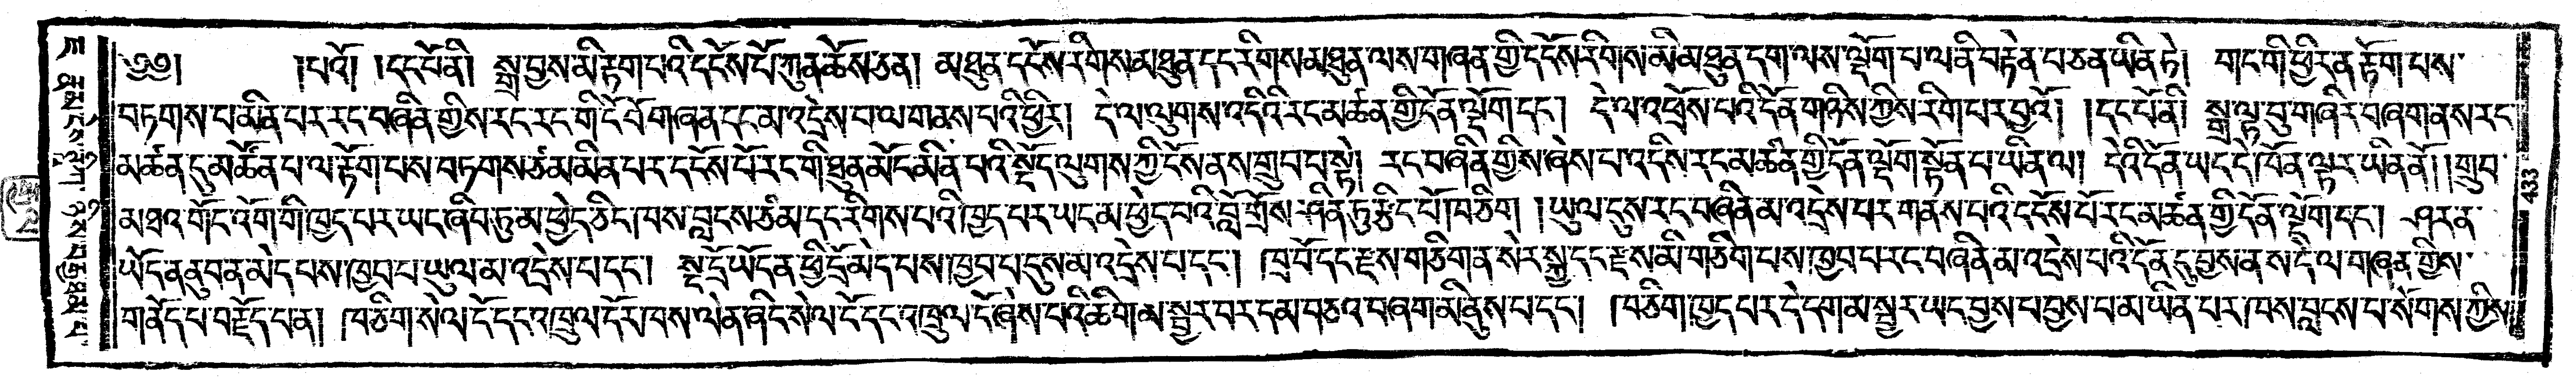༄༅། །པའོ། །དང་པོ་ནི། སྒྲ་བྱས་མི་རྟག་པའི་དངོས་པོ་ཀུན་ཆོས་ཅན། མཐུན་དངོས་རིགས་མཐུན་དང་རིགས་མཐུན་ལས་གཞན་གྱི་དངོས་རིགས་མི་མཐུན་དག་ལས་ལྡོག་པ་ལ་ནི་བརྟེན་པ་ཅན་ཡིན་ཏེ། གང་གི་ཕྱིར་ན་རྟོག་པས་
བཏགས་པ་མིན་པར་རང་བཞིན་གྱིས་རང་རང་གི་ངོ་བོ་གཞན་དང་མ་འདྲེས་པ་ལ་གནས་པའི་ཕྱིར། དེ་ལ་ལུགས་འདིའི་རང་མཚན་གྱི་དོན་ལྡོག་དང་། དེ་ལ་འཕྲོས་པའི་དོན་གཉིས་ཀྱིས་རིག་པར་བྱའོ། །དང་པོ་ནི། སྒྲ་ལྟ་བུ་གཞིར་བཞག་ནས་རང་
མཚན་དུ་མཚོན་པ་ལ་རྟོག་པས་བཏགས་ཙམ་མིན་པར་དངོས་པོ་རང་གི་ཐུན་མོང་མིན་པའི་སྡོད་ལུགས་ཀྱི་ངོས་ནས་གྲུབ་པ་སྟེ། རང་བཞིན་གྱིས་ཞེས་པ་འདིས་རང་མཚན་གྱི་དོན་ལྡོག་སྟོན་པ་ཡིན་ལ། དེའི་དོན་ཡང་དེ་ཁོ་ན་ལྟར་ཡིན་ནོ། །གྲུབ་
མཐའ་གོང་འོག་གི་ཁྱད་པར་ཡང་ཞིབ་ཏུ་མ་ཕྱེད་ཅིང་ཁས་བླངས་ཙམ་དང་རིགས་པའི་ཁྱད་པར་ཡང་མ་ཕྱེད་པའི་བློ་གྲོས་ཤིན་ཏུ་རྩིང་པོ་ཁ་ཅིག །ཡུལ་དུས་རང་བཞིན་མ་འདྲེས་པར་གནས་པའི་དངོས་པོ་རང་མཚན་གྱི་དོན་ལྡོག་དང་། ཤར་ན་
ཡོད་ན་ནུབ་ན་མེད་པས་ཁྱབ་པ་ཡུལ་མ་འདྲེས་པ་དང་། སྔ་དྲོ་ཡོད་ན་ཕྱི་དྲོ་མེད་པས་ཁྱབ་པ་དུས་མ་འདྲེས་པ་དང་། ཁྲ་བོ་དང་རྫས་གཅིག་ན་སེར་སྐྱ་དང་རྫས་མི་གཅིག་པས་ཁྱབ་པ་རང་བཞིན་མ་འདྲེས་པའི་དོན་དུ་བྱས་ནས་དེ་ལ་གཞན་གྱིས་
གནོད་པ་བརྗོད་པ་ན། ཁ་ཅིག་སེལ་ངོ་དང་འཁྲུལ་དོར་ཁས་ལེན་ཞིང་སེལ་ངོ་དང་འཁྲུལ་ངོ་ཞེས་པའི་ཚིག་མ་སྦྱར་བར་དམ་བཅའ་བཞག་མི་ནུས་པ་དང་། ཁ་ཅིག་ཁྱད་པར་དེ་དག་མ་སྦྱར་ཡང་བྱས་པ་བྱས་པ་མ་ཡིན་པར་ཁས་བླངས་པ་སོགས་ཀྱིས་